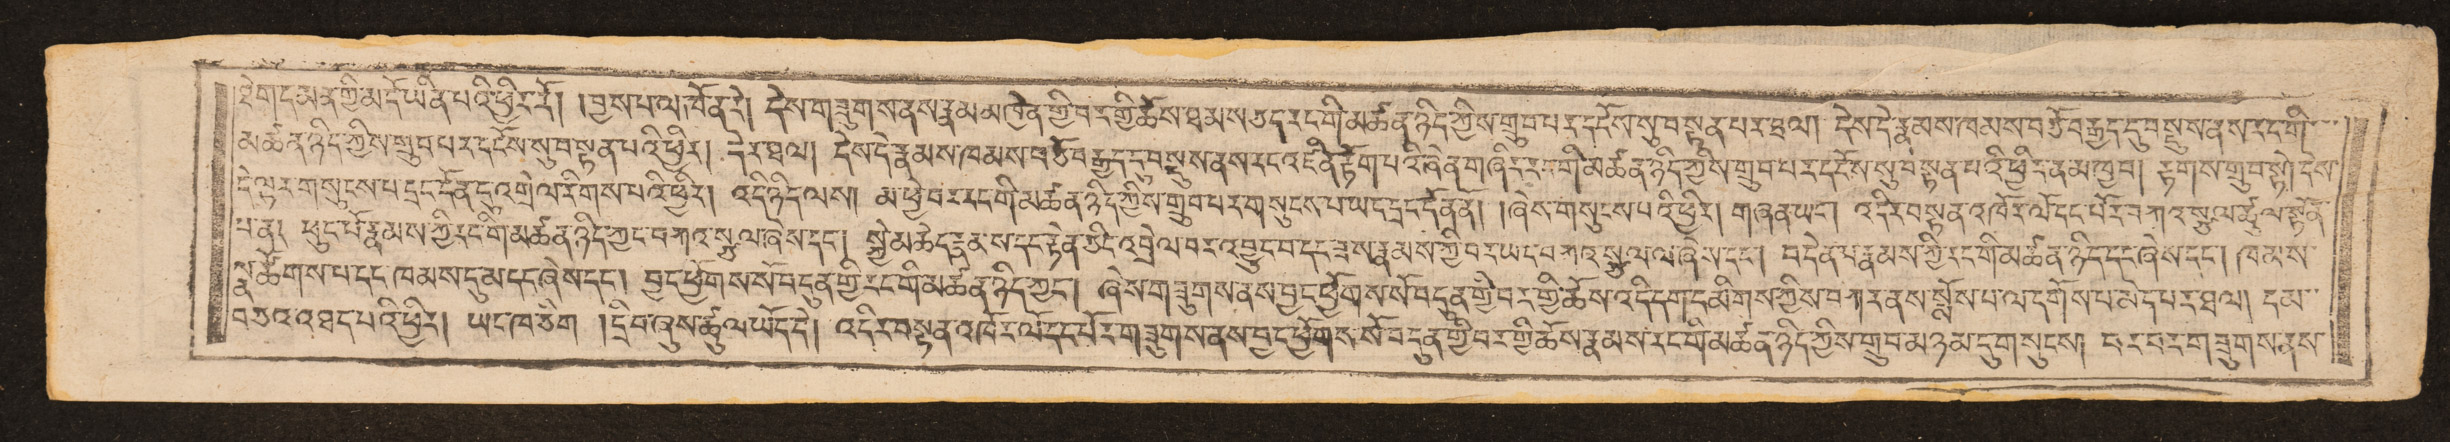ཐེག་དམན་གྱི་མདོ་ཡིན་པའི་ཕྱིར་རོ། །བྱས་བ་ལ་ཁོ་ན་རེ། དེས་གཟུགས་ནས་རྣམ་མཁྱེན་གྱི་བར་གྱི་ཆོས་ཐམས་ཅད་རང་གི་མཚན་ཉིད་ཀྱིས་གྲུབ་པར་དངོས་སུ་བསྟན་པར་ཐལ། དེས་དེ་རྣམས་ཁམས་བཅོ་བརྒྱད་དུ་བསྡུས་ནས་རང་གི་
མཚན་ཉིད་ཀྱིས་གྲུབ་པར་དངོས་སུ་བསྟན་པའི་ཕྱིར། དེར་ཐལ། དེས་དེ་རྣམས་ཁམས་བཅོ་བརྒྱད་དུ་བསྡུས་ནས་རང་འཛིན་རྟོག་པའི་ཞེན་གཞིར་རང་གི་མཚན་ཉིད་ཀྱིས་གྲུབ་པར་དངོས་སུ་བསྟན་པའི་ཕྱིར་ན་མ་ཁྱབ། རྟགས་གྲུབ་སྟེ། དེས་
དེ་ལྟར་གསུངས་པ་དྲང་དོན་དུ་འགྲེལ་རིགས་པའི་ཕྱིར། འདི་ཉིད་ལས། མ་ཕྱེ་བར་རང་གི་མཚན་ཉིད་ཀྱིས་གྲུབ་པར་གསུངས་པ་ཡང་དྲང་དོན་ནོ། །ཞེས་གསུངས་པའི་ཕྱིར། གཞན་ཡང་། འདིར་བསྟན་འཁོར་ལོ་དང་པོར་བཀའ་སྩལ་ཚུལ་སྟོན་
པ་ན༑ ཕུང་པོ་རྣམས་ཀྱི་རང་གི་མཚན་ཉིད་ཀྱང་བཀའ་སྩལ་ཞེས་དང་། སྐྱེ་མཆེད་རྣམས་དང་རྟེན་ཅིང་འབྲེལ་བར་འབྱུང་བ་དང་ཟས་རྣམས་ཀྱི་བར་ཡང་བཀའ་སྩལ་ལ་ཞེས་དང་། བདེན་པ་རྣམས་ཀྱི་རང་གི་མཚན་ཉིད་དང་ཞེས་དང་། ཁམས་
སྣ་ཚོགས་པ་དང་ཁམས་དུ་མ་དང་ཞེས་དང་། བྱང་ཕྱོགས་སོ་བདུན་གྱི་རང་གི་མཚན་ཉིད་ཀྱང་། ཞེས་གཟུགས་ནས་བྱང་ཕྱོགས་སོ་བདུན་གྱི་བར་གྱི་ཆོས་འདི་དག་དམིགས་ཀྱིས་བཀར་ནས་སྨོས་པ་ལ་དགོས་པ་མེད་པར་ཐལ། དམ་
བཅའ་འཐད་པའི་ཕྱིར། ཡང་ཁ་ཅིག །དྲི་བ་ཞུས་ཚུལ་ཡོད་དེ། འདིར་བསྟན་འཁོར་ལོ་དང་པོར་གཟུགས་ནས་བྱང་ཕྱོགས་སོ་བདུན་གྱི་བར་གྱི་ཆོས་རྣམས་རང་གི་མཚན་ཉིད་ཀྱིས་གྲུབ་མཉམ་དུ་གསུངས། བར་བར་གཟུགས་ནས་